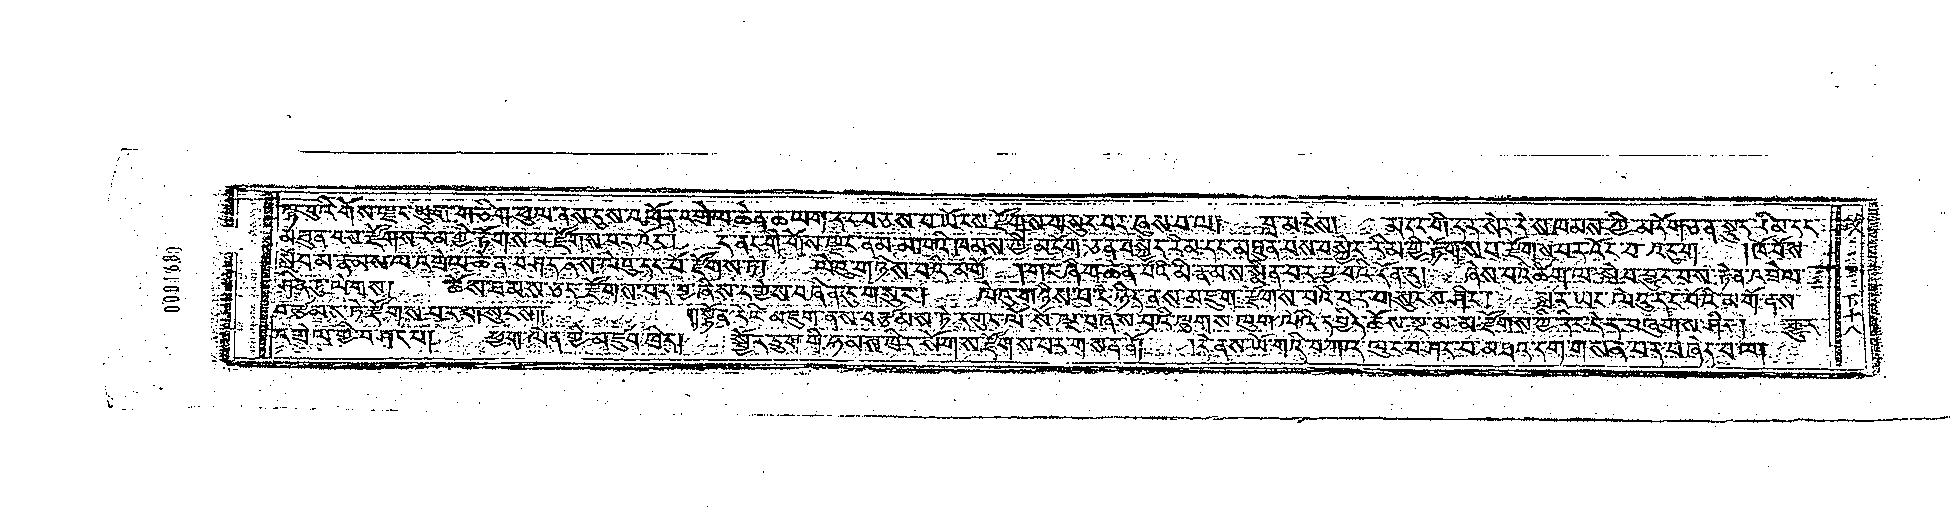ལྟ་བུའི་གོས་ལྗང་ཡུག་གཅིག་ཕུལ་ནས་དུས་འཁོར་འགྲེལ་ཆེན་ཆ་ལག་དང་བཅས་པ་ཡོངས་རྫོགས་གསུང་བར་ཞུས་བ་ལ། བླ་མ་ངེས། མདང་གི་དར་སེར་དེ་ས་ཁམས་ཀྱི་མདོག་ཅན་སྡུད་རིམ་དང་
མཐུན་བས་རྫོགས་རི་མ་གྱི་རྟོགས་པ་རྫོགས་པར་འོང་། ད་ནང་གི་གོས་ལྗང་ནམ་མཁའི་ཁམས་ཀྱི་མདོག་ཅན་བསྐྱེད་རིམ་དང་མཐུན་པས་བསྐྱེད་རིམ་གྱི་རྟོགས་པ་རྫོགས་པར་འོང་བ་འདུག །ཁོ་བོས་
སློབ་མ་རྣམས་ལ་འགྲེལ་ཆེན་བཤད་ནས་ལེའུ་དང་པོ་རྫོགས་ཏེ། ལེའུ་གཉིས་བའི་མགོ །གང་ཞིག་ཆེན་པོའི་མི་རྣམས་སྨིན་པར་བྱ་བའི་དོན་དུ། ཞེས་པའི་ཚིག་ལ་སླེབ་བྱུང་བས་རྟེན་འབྲེལ་
ཤིན་ཏུ་ལེགས། ཆོས་ཐམས་ཅད་རྫོགས་པར་བྱ་ཞིས་དགྱེས་བཞིན་དུ་གསུང་། ལེའུ་གཉིས་པ་དེ་ཉིད་ནས་མཇུག་རྫོགས་པའི་བར་གསུངས་ཤིང་། སླར་ཡང་ལེའི་དང་བའི་མགོ་ནས་
བརྩམས་ཏེ་རྫོགས་པར་གསུངས།། །།སྟོན་དེའི་མཇུག་ནས་བརྩམས་ཏེ་དགུང་ལོ་སོ་ལྔ་བཞེས་བའི་ལྕགས་ལུག་ལོའི་དཔྱིད་ཆོས་སྔ་མ་མ་རྫོགས་ཀྱི་རིང་དེར་བཞུགས་ཤིང་། རྒྱུད་
འགྲེལ་གྱི་བཤད་པ། ཕྱག་ལེན་གྱི་མཛུབ་ཁྲིད། སྦྱོར་དྲུག་གི་ཉམས་ཁྲིད་སོགས་རྫོགས་པར་གསན་ནོ། །དེ་ནས་ཡོ་གའི་བཀའ་ཁུང་བ་ཤད་པ་མཐའ་དག་གསན་བར་བཞེད་པ་ལ།